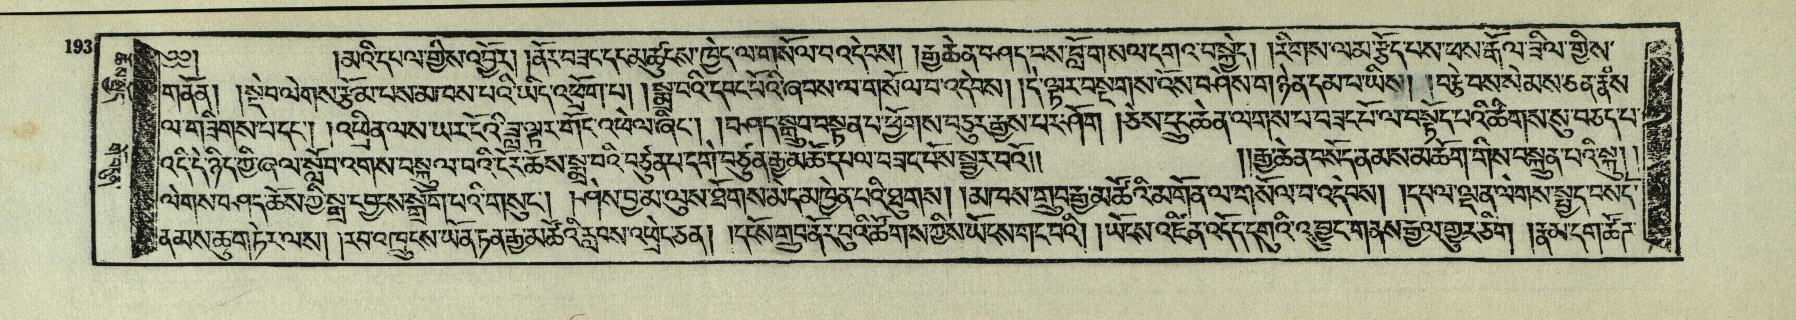༄༅། །མའི་དཔལ་གྱིས་འབྱོར། །ནོར་བཟང་དང་མཚུངས་ཁྱེད་ལ་གསོལ་བ་འདེབས། །རྒྱ་ཆེན་བཤད་བས་བློ་གསལ་དགའ་བ་སྐྱེད། །རིགས་ལམ་རྩོད་པས་ཕས་རྒོལ་ཟིལ་གྱིས་
གནོན། །སྡེ་བ་ལེགས་རྩོམ་པས་མཁས་པའི་ཡིད་འཕྲོག་པ། །སྨྲ་བའི་དབང་པོའི་ཞབས་ལ་གསོལ་བ་འདེབས། །དེ་ལྟར་བསྔགས་འོས་བཤེས་གཉེན་དམ་པ་ཡིས། །བརྩེ་བས་སེམས་ཅན་རྣཾས་
ལ་གཟིགས་པ་དང་། །འཕྲིན་ལས་ཡར་ངོའི་ཟླ་ལྟར་གོང་འཕེལ་ཞིང་། །བཤད་སྒྲུབ་བསྟན་པ་ཕྱོགས་བཅུར་རྒྱས་པར་ཤོག །ཅེས་དྲུང་ཆེན་ལགས་པ་བཟང་པོ་ལ་བསྟོད་པའི་ཚིགས་སུ་བཅད་པ་
འདི་དེ་ཉིད་ཀྱི་ཞལ་སློབ་འགས་བསྐུལ་བའི་ངོར་ཆོས་སྨྲ་བའི་བཙུན་པ་དགེ་བཙུན་རྒྱ་མཚོ་དཔལ་བཟང་པོས་སྦྱར་བའོ།། །།རྒྱ་ཆེན་བསོད་ནམས་མཆོག་གིས་བསྐྲུན་པའི་སྐུ། །
ལེགས་བཤད་ཆོས་ཀྱི་སྒྲ་དབྱངས་སྒྲོག་པའི་གསུང་། །ཤེས་བྱ་མ་ལུས་ཐོགས་མེད་མཁྱེན་པའི་ཐུགས། །མཁས་གྲུབ་རྒྱ་མཚོའི་མགོན་ལ་གསོལ་བ་འདེབས། །དཔལ་ལྡན་ལེགས་སྤྱད་བསོད་
ནམས་ཆུ་གཏེར་ལས། །རབ་འཁྲུངས་ཡོན་ཏན་རྒྱ་མཚོའི་རླབས་འཕྲེང་ཅན། །དངོས་གྲུབ་ནོར་བུའི་ཚོགས་ཀྱིས་ཡོངས་གང་བའི། །ཡོངས་འཛིན་འདོད་དགུའི་འབྱུང་གནས་རྒྱལ་གྱུར་ཅིག །རྣམ་དག་ཚོཌ་